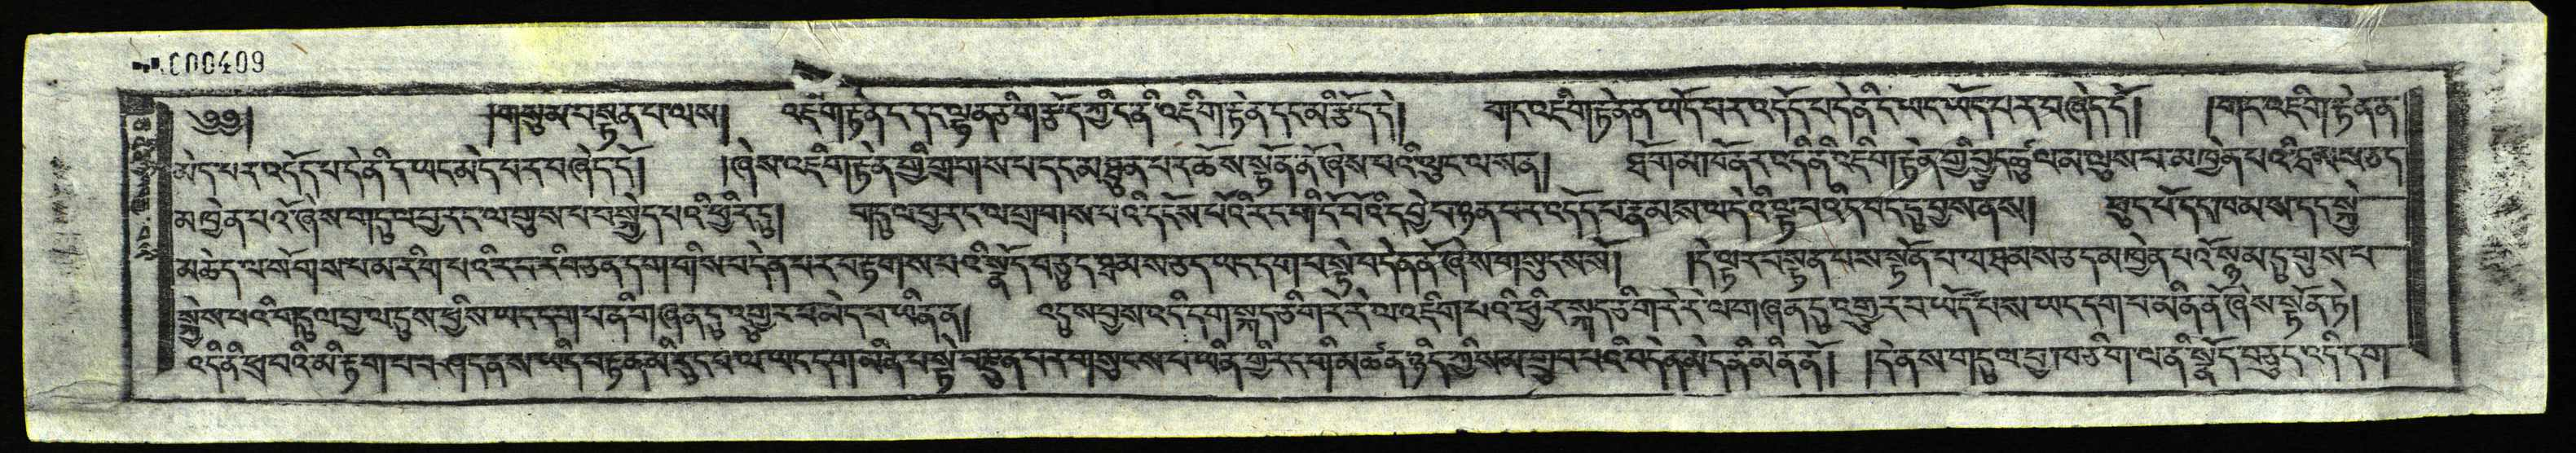༄༅། །གསུམ་བསྟན་པ་ལས། འཇིག་རྟེན་ང་དང་ལྷན་ཅིག་རྩོད་ཀྱི་ང་ནི་འཇིག་རྟེན་དང་མི་རྩོད་དེ། གང་འཇིག་རྟེན་ན་ཡོད་པར་འདོད་པ་དེ་ནི་ང་ཡང་ཡོད་པར་བཞེད་དོ། །གང་འཇིག་རྟེན་ན་
མེད་པར་འདོད་པ་དེ་ནི་ད་ཡང་མེད་པར་བཞེད་དོ། །ཞེས་འཇིག་རྟེན་གྱི་གྲགས་པ་དང་མཐུན་པར་ཆོས་སྟོན་ནོ་ཞེས་པའི་ལུང་ལས་ན། ཐོག་མ་ཁོ་ནར་འདི་ནི་འཇིག་རྟེན་གྱི་བྱུང་ཚུལ་མ་ལུས་པ་མཁྱེན་པའི་ཐམས་ཅད་
མཁྱེན་པའོ་ཞེས་གདུལ་བྱ་རང་ལ་གུས་པ་བསྐྱེད་པའི་ཕྱིར་དུ། གདུལ་བྱ་རང་ལ་གྲགས་པའི་དངོས་པོའི་རང་གི་ངོ་བོའི་དབྱེ་བ་ཉན་པར་འདོད་པ་རྣམས་ལ་དེའི་ལྟ་བའི་དབང་དུ་བྱས་ནས། ཕུང་པོ་དང་ཁམས་དང་སྐྱེ་
མཆེད་ལ་སོགས་པ་མ་རིག་པའི་རབ་རིབ་ཅན་དག་གིས་བདེན་པར་བརྟགས་པའི་སྣོད་བཅུད་ཐམས་ཅད་ཡང་དག་པ་སྟེ་བདེན་ནོ་ཞེས་གསུངས་སོ། །དེ་ལྟར་བསྟན་པས་སྟོན་པ་ལ་ཐམས་ཅད་མཁྱེན་པའོ་སྙམ་དུ་གུས་པ་
སྐྱེས་པའི་གདུལ་བྱ་ལ་དུས་ཕྱིས་ཡང་དག་པ་ནི་གཞན་དུ་འགྱུར་པ་མེད་པ་ཡིན་ན། འདུས་བྱས་འདི་དག་སྐད་ཅིག་རེ་རེ་ལ་འཇིག་པའི་ཕྱིར་སྐད་ཅིག་རེ་རེ་ལ་གཞན་དུ་འགྱུར་བ་ཡོད་པས་ཡང་དག་པ་མིན་ནོ་ཞེས་སྟོན་ཏེ།
འདི་ནི་ཕྲ་བའི་མི་རྟག་པ་བཤད་ནས་ཡིད་བརྟན་མི་རུང་བ་ལ་ཡང་དག་མིན་པ་སྟེ་བརྫུན་པར་གསུངས་པ་ཡིན་གྱི་རང་གི་མཚན་ཉིད་ཀྱིས་མ་གྲུབ་པའི་བདེན་མེད་ནི་མིན་ནོ། །དེ་ནས་གདུལ་བྱ་ཁ་ཅིག་ལ་ནི་སྣོད་བཅུད་འདི་དག་